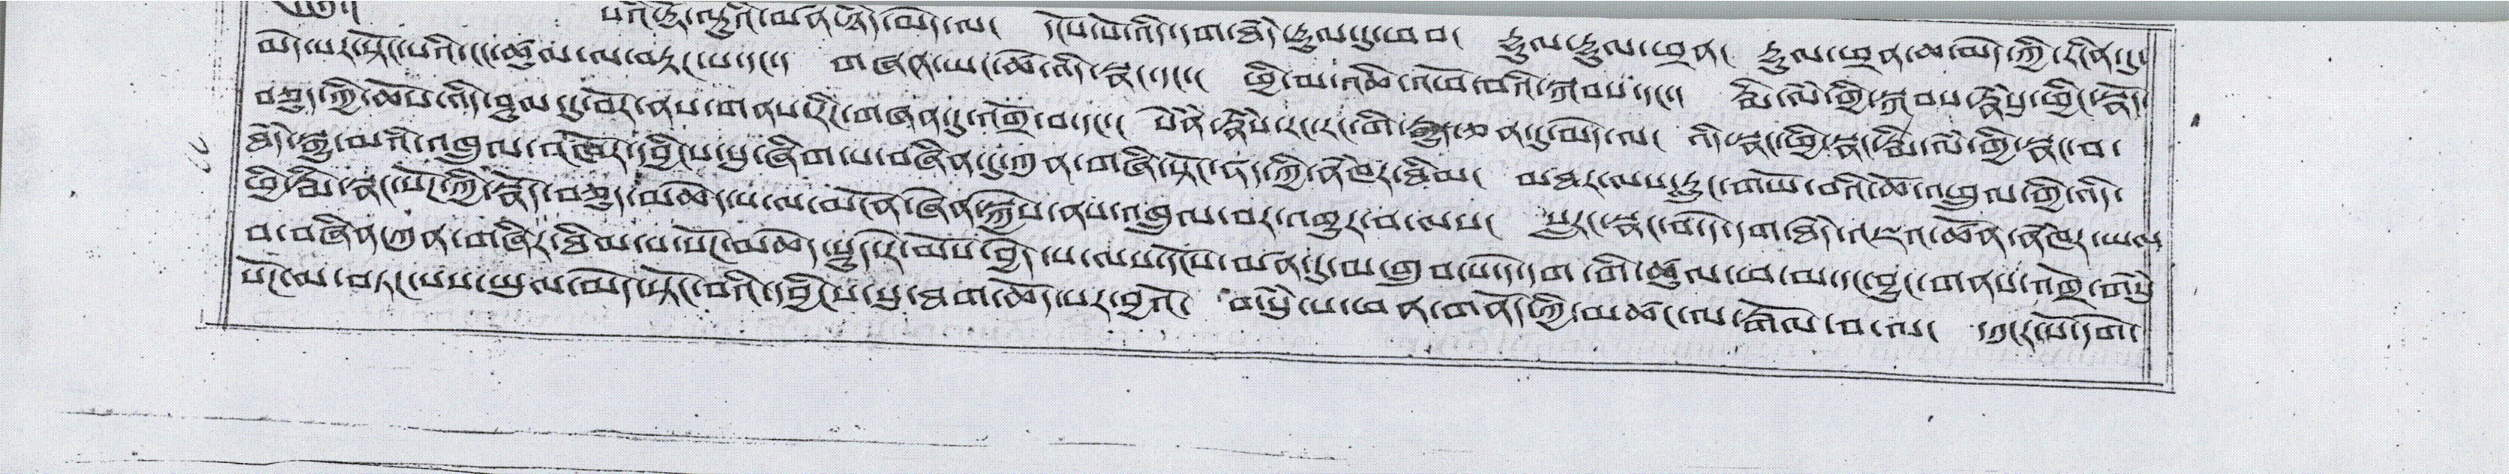པའི་རྡོ་རྗེ་ལྟ་བུའི་མཚན་ཉིད་མེད་ལ། དངོས་པོ་འདི་དག་ཐམས་ཅད་རྡུལ་དུ་ཕབ། རྡུལ་རྡུལ་ཕྲན། རྡུལ་ཕྲན་ཆ་མེད་ཀྱི་རང་བཞིན་དུ་
མེད་པར་སྟོང་པའི་ངང་ཚུལ་ལ་བརྟག་པ་དང་། གཞན་ཡང་ཚེ་འདི་སྣང་དང་། ཕྱི་མ་འཆི་འཕོ་བའི་སྐབས་དང་། རྨི་ལམ་གྱི་སྐབས་རྣམས་སུ་ཕྱི་ནང་སྣོད་
བཅུད་ཀྱི་ཆོས་ཉིད་ཤུལ་དུ་བོར་ནས་གནས་རིགས་གཞན་དུ་འགྲོ་བ་དང་། སེམས་ཅན་རྣམས་རང་རང་གི་རྒྱུད་ཅན་དུ་མེད་ལ། འདི་ལྟར་ཕྱི་ནང་རྨི་ལམ་གྱི་སྣང་བ་
ཐམས་ཅད་སྒྱུ་མའི་འཁྲུལ་འཁོར་དབྱིངས་སུ་ཞིག་པ་བཞིན་དུ་ཀུན་གཞི་སྟོང་ཧད་ཀྱི་ནམ་མཁར་ཐིམ། མཐར་ལས་རླུང་གཡོ་བའི་ཆོ་འཕྲུལ་གྱི་འདི་
ཕྱི་རྨི་སྣང་སོགས་ཀྱི་སྣོད་བཅུད་མཆེད་པ་ལ་མངོན་ཞེན་སྐྱེས་ནས་འཁྲུལ་བར་འགྱུར་བ་ལས། སླར་སྣང་བ་དེ་དག་ཐམས་ཅད་འཇའ་ཚོན་ནམ་མཁར་ཡལ་
བ་བཞིན་ཀུན་གཞིར་ཐིམ་པ་སོགས་མཆེད་སྡུད་རེས་མོས་བྱེད་པ་ལས་དངོས་མཚན་དུ་མ་གྲུབ་པ་དེ་དག་གི་ཚུལ་ཕ་མ་དང་བྱུང་གནས་འགྲོ་གསུམ་
སོགས་ལ་བཏགས་པས་ཡུལ་མེད་སྟོང་པའི་དབྱིངས་སུ་ཐག་ཆོད་པར་བྱའོ། །གསུམ་པ་ཕན་གནོད་ཀྱི་འཚང་ལ་རྒོལ་བ་ལ། དཀར་པོ་དགེ་བ་